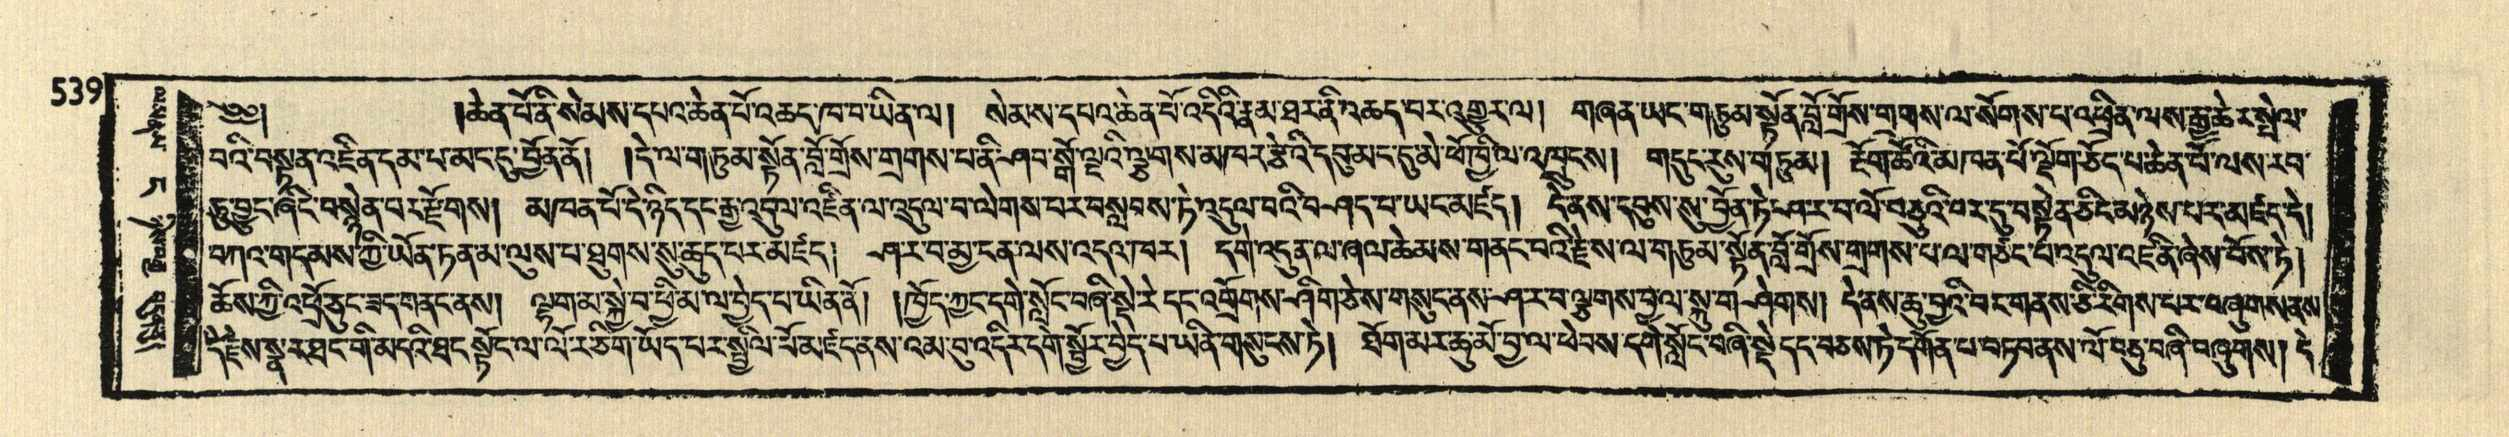༄༅། །ཆེན་པོ་ནི་སེམས་དཔའ་ཆེན་པོ་འཆད་ཁ་བ་ཡིན་ལ། སེམས་དཔའ་ཆེན་པོ་འདིའི་རྣམ་ཐར་ནི་འཆད་བར་འགྱུར་ལ། གཞན་ཡང་གཏུམ་སྟོན་བློ་གྲོས་གྲགས་ལ་སོགས་པ་འཕྲིན་ལས་རྒྱ་ཆེར་སྤེལ་
བའི་བསྟན་འཛིན་དམ་པ་མང་དུ་བྱོན་ནོ། །དེ་ལ་གཏུམ་སྟོན་བློ་གྲོས་གྲགས་པ་ནི་ཤབ་སྒོ་ལྔའི་ལྕགས་མཁར་རྩེའི་དབུ་མང་དུ་མེ་ཕོ་ཁྱིལ་འཁྲུངས། གདུང་རུས་གཏུམ། རྡོག་ཚོའི་མཁན་པོ་ལྡོག་ཅོད་པ་ཆེན་པོ་ལས་རབ་
ཏུ་བྱུང་ཞིང་བསྙེན་པར་རྫོགས། མཁན་པོ་དེ་ཉིད་དང་རྒྱ་འདུལ་འཛིན་ལ་འདུལ་བ་ལེགས་པར་བསླབས་ཏེ་འདུལ་བའི་བཤད་པ་ཡང་མཛད། དེ་ནས་དབུས་སུ་བྱོན་ཏེ་ཤ་ར་བ་ལོ་བཅུའི་བར་དུ་བསྟེན་ཅིང་མཉེས་པར་མཛད་དེ།
བཀའ་གདམས་ཀྱི་ཡོན་ཏན་མ་ལུས་པ་ཐུགས་སུ་ཆུད་པར་མཛད། ཤར་བ་མྱ་ངན་ལས་འདའ་ཁར། དགེ་འདུན་ལ་ཞལ་ཆེམས་གནང་བའི་རྗེས་ལ་གཏུམ་སྟོན་བློ་གྲོས་གྲགས་པ་ལ་གཙང་པ་འདུལ་འཛིན་ཞེས་བོས་ཏེ།
ཆོས་ཀྱི་འཕྲོ་ཅུང་ཟད་གནང་ནས། ལྷག་མ་སྐྱེས་བ་ཕྱི་མ་ལ་བྱེད་པ་ཡིན་ནོ། །ཁྱོད་ཀྱང་དགེ་སློང་བཞི་སྡེ་རེ་དང་འགྲོགས་ཤིག་ཅེས་གསུངས་ནས་ཤ་ར་བ་ལྕགས་བྱ་ལ་སྐུ་གཤེགས། དེ་ནས་ཆུ་བྱའི་བར་གནས་ཅི་རིགས་པར་བཞུགས་ནས་
དེ་རྗེས་སྣར་ཐང་གི་མདའི་ཐང་སྟོང་ལ་ལོ་ར་ཅིག་ཡོད་པར་སྦྱིལ་པོ་མཛད་ནས་འམ་བུ་འདིར་དགེ་སྦྱོར་བྱེད་པ་ཡིན་གསུངས་ཏེ། ཐོག་མར་ཆུ་མོ་བྱ་ལ་ཕེབས་དགེ་སློང་བཞི་སྡེ་དང་བཅས་ཏེ་དགོན་པ་བཏབ་ནས་ལོ་བཅུ་བཞི་བཞུགས། དེ་